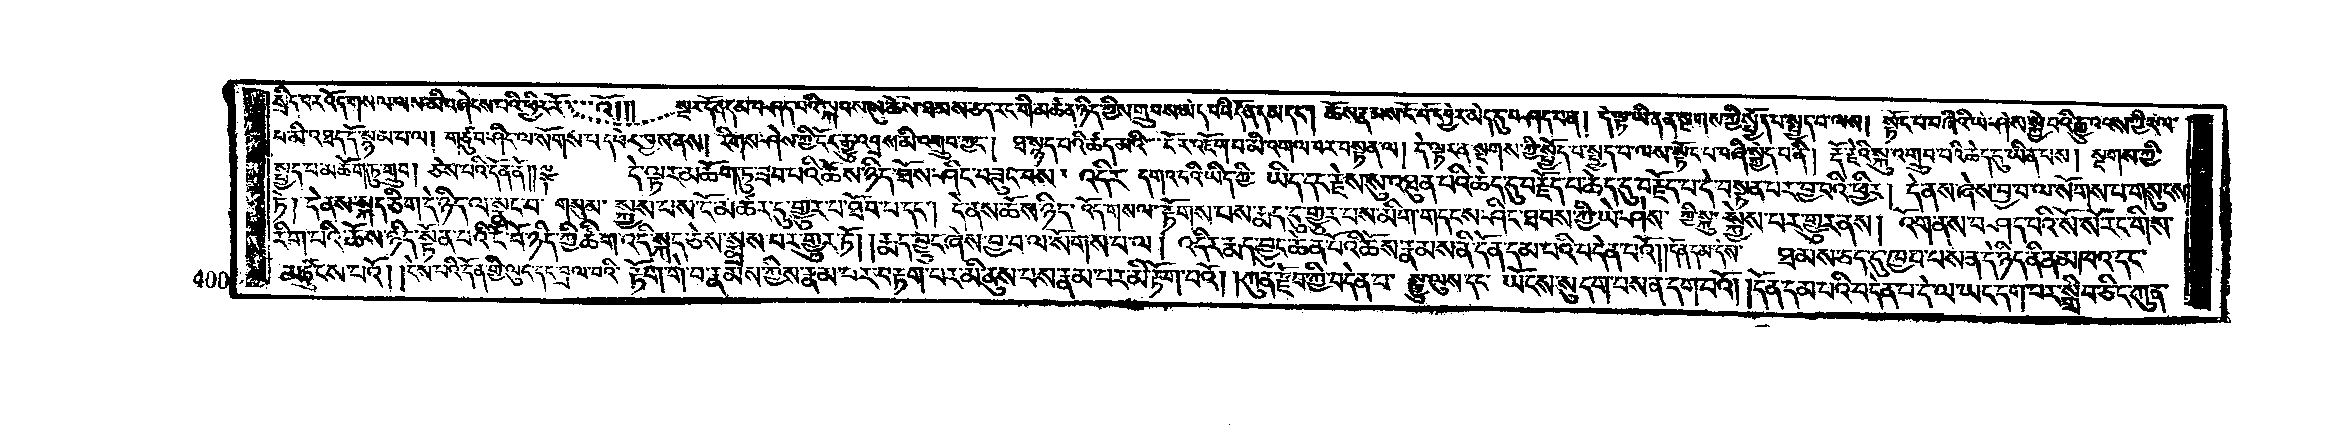སྲིད་བར་འོད་གསལ་ལས་མི་བཞེངས་པའི་ཕྱིར་རོ་འོ།། སྔར་དོན་དམ་བཤད་པའི་སྐབས་སུ་ཆོས་ཐམས་ཅད་རང་གི་མཚན་ཉིད་ཀྱིས་གྲུབ་པ་མེད་པའི་དོན་དམ་དང་། ཆོས་རྣམས་ངོ་བོ་དབྱེར་མེད་དུ་བཤད་པ་ན། དེ་ལྟ་ཡིན་ན་སྔགས་ཀྱི་སྤྱོད་པ་སྤྱད་པ་ལས། སྟོང་པ་བཞིའི་ཡེ་ཤེས་སྐྱེ་བའི་རྒྱུ་འབྲས་ཀྱི་རོལ་
བ་མི་འཐད་དོ་སྙམ་པ་ལ། གཙུབ་ཤིང་ལ་སོགས་པ་དཔེར་བྱས་ནས། རིགས་ཤེས་ཀྱི་ངོར་རྒྱུ་འབྲས་མི་འགྲུབ་ཀྱང་། ཐ་སྙད་པའི་ཚད་མའི་ངོར་འཇོག་པ་མི་འགལ་བར་བསྟན་ལ། དེ་ལྟར་ན་སྔགས་ཀྱི་སྤྱོད་པ་སྤྱད་པ་ལས་སྟོང་པ་བཞི་སྐྱེད་པ་ནི། རྡོ་རྗེའི་སྐུ་འགྲུབ་པའི་ཆེད་དུ་ཡིན་པས། སྔགས་ཀྱི་
སྤྱད་པ་མཆོག་ཏུ་གྲུབ། ཅེས་པའི་དོན་ནོ།། ༈ དེ་ལྟར་མཆོག་ཏུ་ཟབ་པའི་ཆོས་ཉིད་ཐོས་ཤིང་བཟུང་བས་འདིར་དགའ་བའི་ཡིད་ཀྱི་ཡིད་དང་རྗེས་སུ་འཐུན་པའི་ཆེད་དུ་བརྗོད་པ་ཆེད་དུ་བརྗོད་པ་དེ་བསྟན་པར་བྱ་བའི་ཕྱིར། དེ་ནས་ཞེས་བྱ་བ་ལ་སོགས་པ་གསུངས་
ཏེ། དེ་ནས་སྐད་ཅིག་དེ་ཉིད་ལ་སྣང་བ་གསུམ་སྐྱེས་པས་ངོ་མཚར་དུ་གྱུར་པ་ཐོབ་པ་དང་། དེ་ནས་ཆོས་ཉིད་འོད་གསལ་རྟོགས་པས་རྨད་དུ་གྱུར་པས་མིག་གདངས་ཤིང་ཐབས་ཀྱི་ཡེ་ཤེས་ཀྱི་སྐུ་སྐྱེས་པར་གྱུར་ནས། འོག་ནས་བཤད་པའི་སོ་སོ་རང་གིས་
རིག་པའི་ཆོས་ཉིད་སྟོན་པའི་ངོ་བོ་ཉིད་ཀྱི་ཚིག་འདི་སྐད་ཅེས་སྨྲས་པར་གྱུར་ཏོ། །རྨད་བྱུང་ཞེས་བྱ་བ་ལ་སོགས་པ་ལ། འདིར་རྨད་བྱུང་ཆེན་པོའི་ཆོས་རྣམས་ནི་དོན་དམ་པའི་བདེན་པའོ། ། དོན་དམ་དེས་ཐམས་ཅད་དུ་ཁྱབ་པས་ན་དེ་ཉིད་ནི་ནམ་མཁའ་དང་
མཚུངས་པའོ། ། ངེས་པའི་དོན་གྱི་ལུང་དང་བྲལ་བའི་རྟོག་གེ་བ་རྣམས་ཀྱིས་རྣམ་པར་བརྟག་པར་མི་ནུས་པས་རྣམ་པར་མི་རྟོག་པའོ། །ཀུན་རྫོབ་ཀྱི་བདེན་པ་སྒྱུ་ལུས་དང་ཡོངས་སུ་དག་པས་ན་དག་པའོ། །དོན་དམ་པའི་བདེན་པ་དེ་ལ་ཡང་དག་པར་སྒྲིབ་ཅིང་ཀུན་